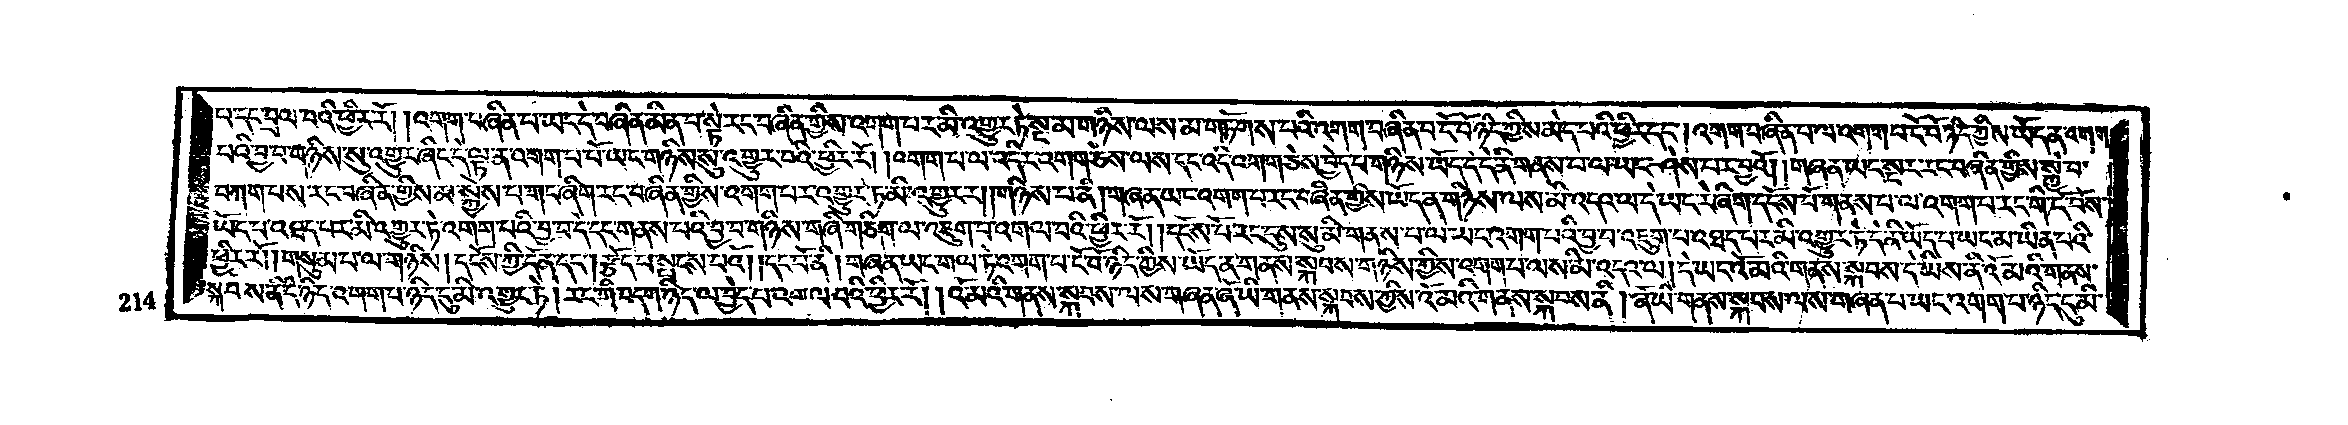པ་དང་བྲལ་བའི་ཕྱིར་རོ། །འགག་བཞིན་པ་ཡང་དེ་བཞིན་མིན་པ་སྟེ་རང་བཞིན་གྱིས་འགག་པར་མི་འགྱུར་ཏེ་སྔ་མ་གཉིས་ལས་མ་གཏོགས་པའི་འགག་བཞིན་པ་ངོ་བོ་ཉིད་ཀྱིས་མེད་པའི་ཕྱིར་དང་། འགག་བཞིན་པ་ལ་འགག་པ་ངོ་བོ་ཉིད་ཀྱིས་ཡོད་ན་འགག་
པའི་བྱ་བ་གཉིས་སུ་འགྱུར་ཞིང་དེ་ལྟ་ན་འགག་པ་པོ་ཡང་གཉིས་སུ་འགྱུར་བའི་ཕྱིར་རོ། །འགག་པ་ལ་འདིར་འགག་ཅེས་ལས་དང་འདི་འགག་ཅེས་བྱེད་པ་གཉིས་ཡོད་དེ་དེ་ནི་གནས་པ་ལ་ཡང་ཤེས་པར་བྱའོ། །གཞན་ཡང་སྔར་རང་བཞིན་གྱིས་སྐྱེ་བ་
བཀག་པས་རང་བཞིན་གྱིས་མ་སྐྱེས་པ་གང་ཞིག་རང་བཞིན་གྱིས་འགག་པར་འགྱུར་ཏ་མི་འགྱུར་ར། །གཉིས་པ་ནི། གཞན་ཡང་འགག་པ་རང་བཞིན་གྱིས་ཡོད་ན་གཉིས་ལས་མི་འདའ་ལ་དེ་ཡང་རེ་ཞིག་དངོས་པོ་གནས་པ་ལ་འགག་པ་རང་གི་ངོ་བོས་
ཡོད་པ་འཐད་པར་མི་འགྱུར་ཏེ་འགག་པའི་བྱ་བ་དེ་དང་གནས་པའི་བྱ་བ་གཉིས་གཞི་གཅིག་ལ་འཇུག་པ་འགལ་བའི་ཕྱིར་རོ། །དངོས་པོ་རང་དུས་སུ་མེ་གནས་པ་ལ་ཡང་འགག་པའི་བྱ་བ་འཇུག་པ་འཐད་པར་མི་འགྱུར་ཏེ་དེ་ནི་ཡོད་པ་ཡང་མ་ཡིན་པའི་
ཕྱིར་རོ། །གསུམ་པ་ལ་གཉིས། དངོས་ཀྱི་དོན་དང་། རྩོད་པ་སྤངས་པའོ། །དང་པོ་ནི། གཞན་ཡང་གལ་ཏེ་འགག་པ་ངོ་བོ་ཉིད་ཀྱིས་ཡོད་ན་གནས་སྐབས་གཉིས་ཀྱིས་འགག་པ་ལས་མི་འདའ་ལ། དེ་ཡང་འོ་མའི་གནས་སྐབས་དེ་ཡིས་ནི་འོ་མའི་གནས་
སྐབས་ནི་དེ་ཉིད་འགག་པ་ཉིད་དུ་མི་འགྱུར་ཏེ། རང་གི་བདག་ཉིད་ལ་བྱེད་པ་འགལ་བའི་ཕྱིར་རོ། །འོ་མའི་གནས་སྐབས་ལས་གཞན་ཞོ་ཡི་གནས་སྐབས་ཀྱིས་འོ་མའི་གནས་སྐབས་ནི། ཞོ་ཡི་གནས་སྐབས་ལས་གཞན་པ་ཡང་འགག་པ་ཉིད་དུ་མི་